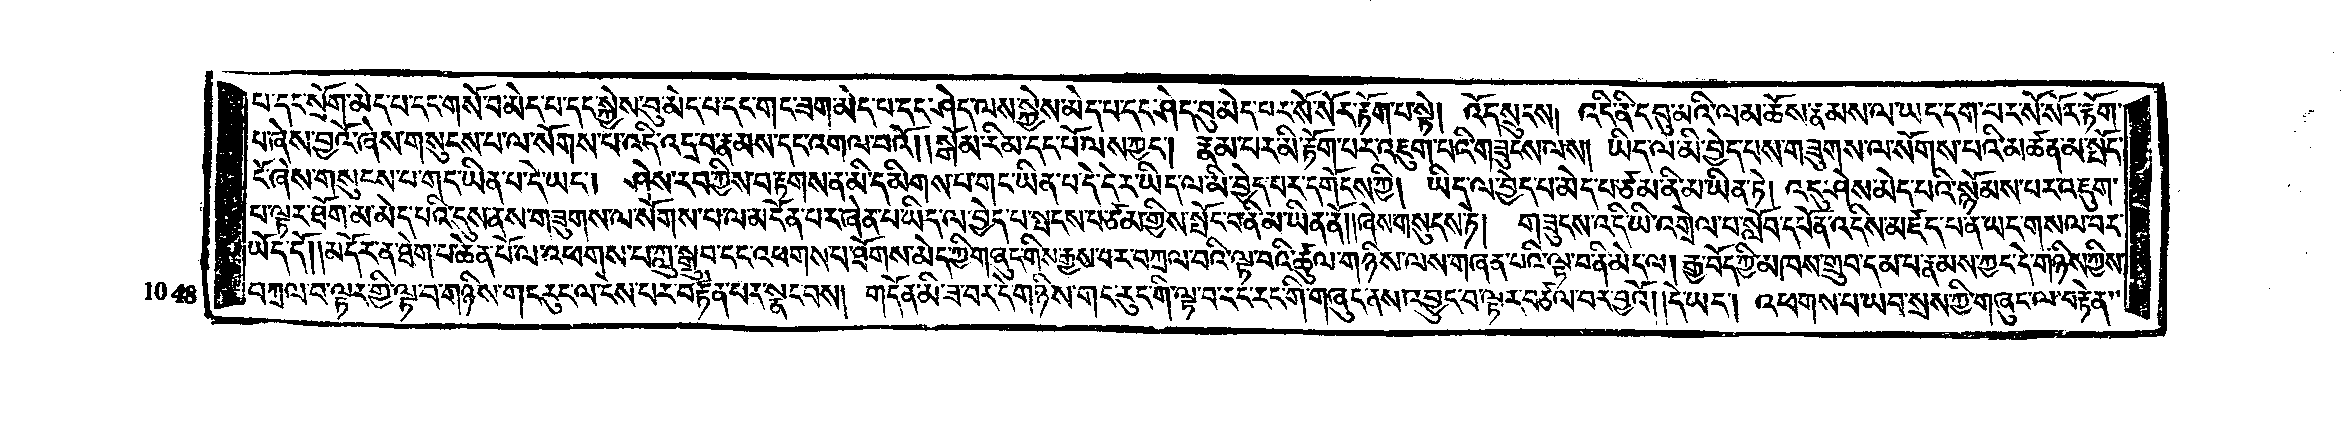པ་དང་སྲོག་མེད་པ་དང་གསོ་བ་མེད་པ་དང་སྐྱེས་བུ་མེད་པ་དང་གང་ཟག་མེད་པ་དང་ཤེད་ལས་སྐྱེས་མེད་པ་དང་ཤེད་བུ་མེད་པར་སོ་སོར་རྟོག་པ་སྟེ། འོད་སྲུངས། འདི་ནི་དབུ་མའི་ལམ་ཆོས་རྣམས་ལ་ཡང་དག་པར་སོ་སོར་རྟོག་
པ་ཞེས་བྱའོ་ཞེས་གསུངས་པ་ལ་སོགས་པ་འདི་འདྲ་བ་རྣམས་དང་འགལ་བའོ། །སྒོམ་རིམ་དང་པོ་ལས་ཀྱང་། རྣམ་པར་མི་རྟོག་པར་འཇུག་པའི་གཟུངས་ལས། ཡིད་ལ་མི་བྱེད་པས་གཟུགས་ལ་སོགས་པའི་མཚན་མ་སྤོང་
ངོ་ཞེས་གསུངས་པ་གང་ཡིན་པ་དེ་ཡང་། ཤེས་རབ་ཀྱིས་བརྟགས་ན་མི་དམིགས་པ་གང་ཡིན་པ་དེ་དེར་ཡིད་ལ་མི་བྱེད་པར་དགོངས་ཀྱི། ཡིད་ལ་བྱེད་པ་མེད་པ་ཙམ་ནི་མ་ཡིན་ཏེ། འདུ་ཤེས་མེད་པའི་སྙོམས་པར་འཇུག་
པ་ལྟར་ཐོག་མ་མེད་པའི་དུས་ནས་གཟུགས་ལ་སོགས་པ་ལ་མངོན་པར་ཞེན་པ་ཡིད་ལ་བྱེད་པ་སྤངས་པ་ཙམ་གྱིས་སྤོང་བ་ནི་མ་ཡིན་ནོ། །ཞེས་གསུངས་ཏེ། གཟུངས་འདི་ཡི་འགྲེལ་པ་སློབ་དཔོན་འདིས་མཛད་པ་ན་ཡང་གསལ་བར་
ཡོད་དོ། །མདོར་ན་ཐེག་པ་ཆེན་པོ་ལ་འཕགས་པ་ཀླུ་སྒྲུབ་དང་འཕགས་པ་ཐོགས་མེད་ཀྱི་གཞུང་གིས་རྒྱས་པར་བཀྲལ་བའི་ལྟ་བའི་ཚུལ་གཉིས་ལས་གཞན་པའི་ལྟ་བ་ནི་མེད་ལ། རྒྱ་བོད་ཀྱི་མཁས་གྲུབ་དམ་པ་རྣམས་ཀྱང་དེ་གཉིས་ཀྱིས་
བཀྲལ་བ་ལྟར་གྱི་ལྟ་བ་གཉིས་གང་རུང་ལ་ངེས་པར་བརྟེན་པར་སྣང་བས། གདོན་མི་ཟ་བར་དེ་གཉིས་གང་རུང་གི་ལྟ་བ་རང་རང་གི་གཞུང་ནས་འབྱུང་བ་ལྟར་བཙལ་བར་བྱའོ། །དེ་ཡང་། འཕགས་པ་ཡབ་སྲས་ཀྱི་གཞུང་ལ་བརྟེན་